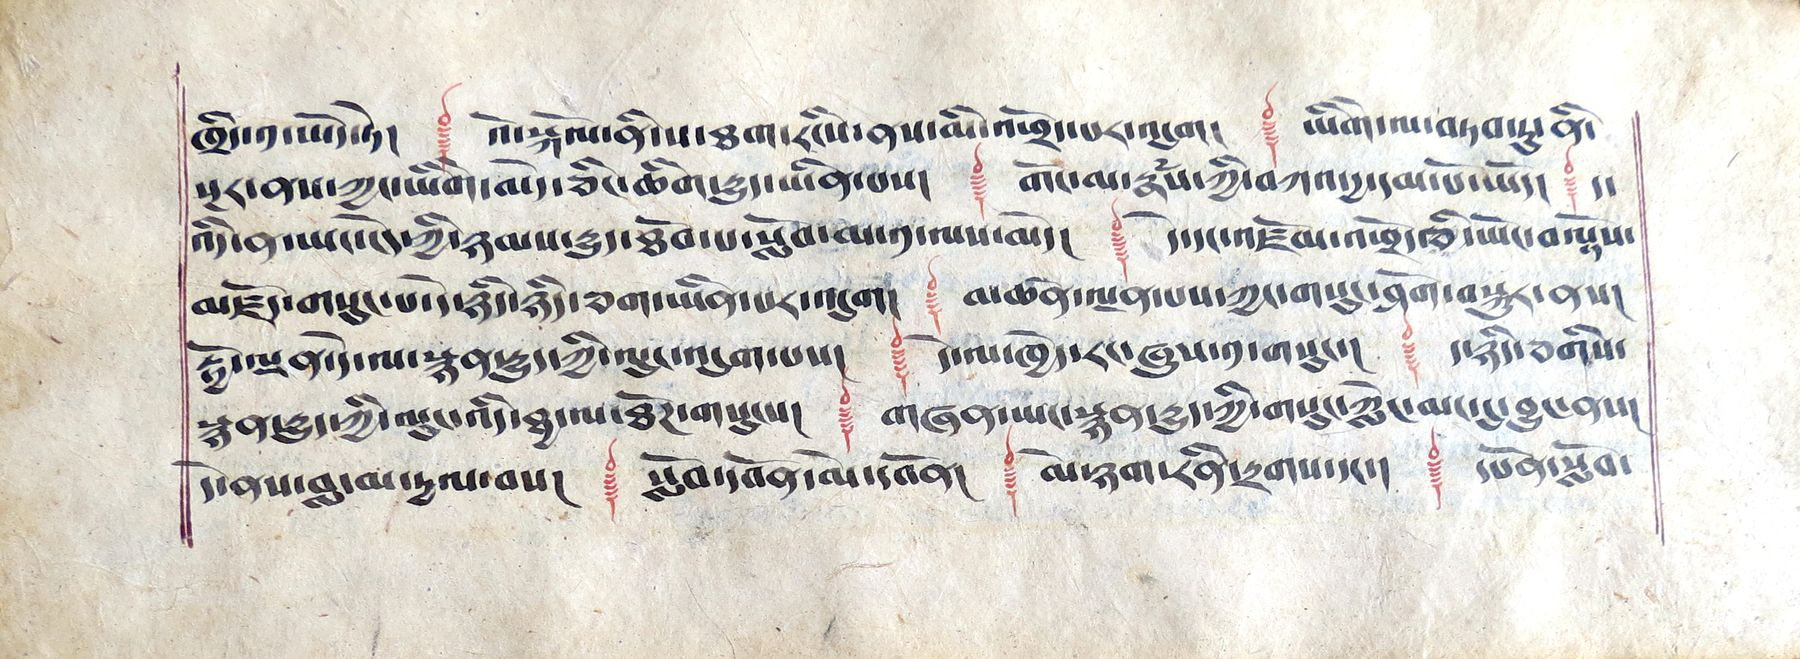ཁྲིད་གཅིག་ཡོད་དེ། འོ་སྐོལ་ནི་ས་ཐག་རིང་ནས་མི་འཕྲོད་པར་འདུག ཡི་གེ་ལ་བཏབ་ཏུ་ནི་
སྔར་ནས་ཀྱང་ཡི་གེ་མེད་ཅིང་གཅིག་རྒྱུད་ཡིན་པས། གོང་མ་རྣམས་ཀྱིས་བཀའ་རྒྱ་དམ་པོ་ཡོད། ད་
འདི་ན་ཡང་ངེད་ཀྱི་ཉམས་རྒྱུད་ཐོབ་པ་སློབ་མ་གཅིག་ལས་མེད། དེ་དང་འཛོམ་འཕྲོད་ཅིང་ཡོང་ལྟོས་
མཛོད་གསུངས་པ་དེ་ཉིད་ཉིད་ཅག་ཡིན་པར་འདུག མཚན་ལྡན་པས་ཀྱང་གསུང་ཤོག་བསྐུར་ནས། 
རྟོགས་ལྡན་དེ་ལ་སྙན་རྒྱུད་ཀྱི་ལུང་འདུག་པས། དེ་ལ་ཁྱེད་རང་ཞུས་ཤིག་གསུངས། ད་ཉིད་ཅག་གིས་
སྙན་རྒྱུད་ཀྱི་ལུང་འདི་ཐུགས་ལ་ཐོགས་གསུངས། གཞན་ཡང་སྙན་རྒྱུད་ཀྱི་གསུང་གླེང་མང་དུ་བྱུང་ནས། 
དེ་ནས་བླ་མ་རྒྱལ་བ། སློབ་དཔོན་མེ་དབོན། མེ་ཉག་རིན་གྲགས་དང་། དཔོན་སློབ་